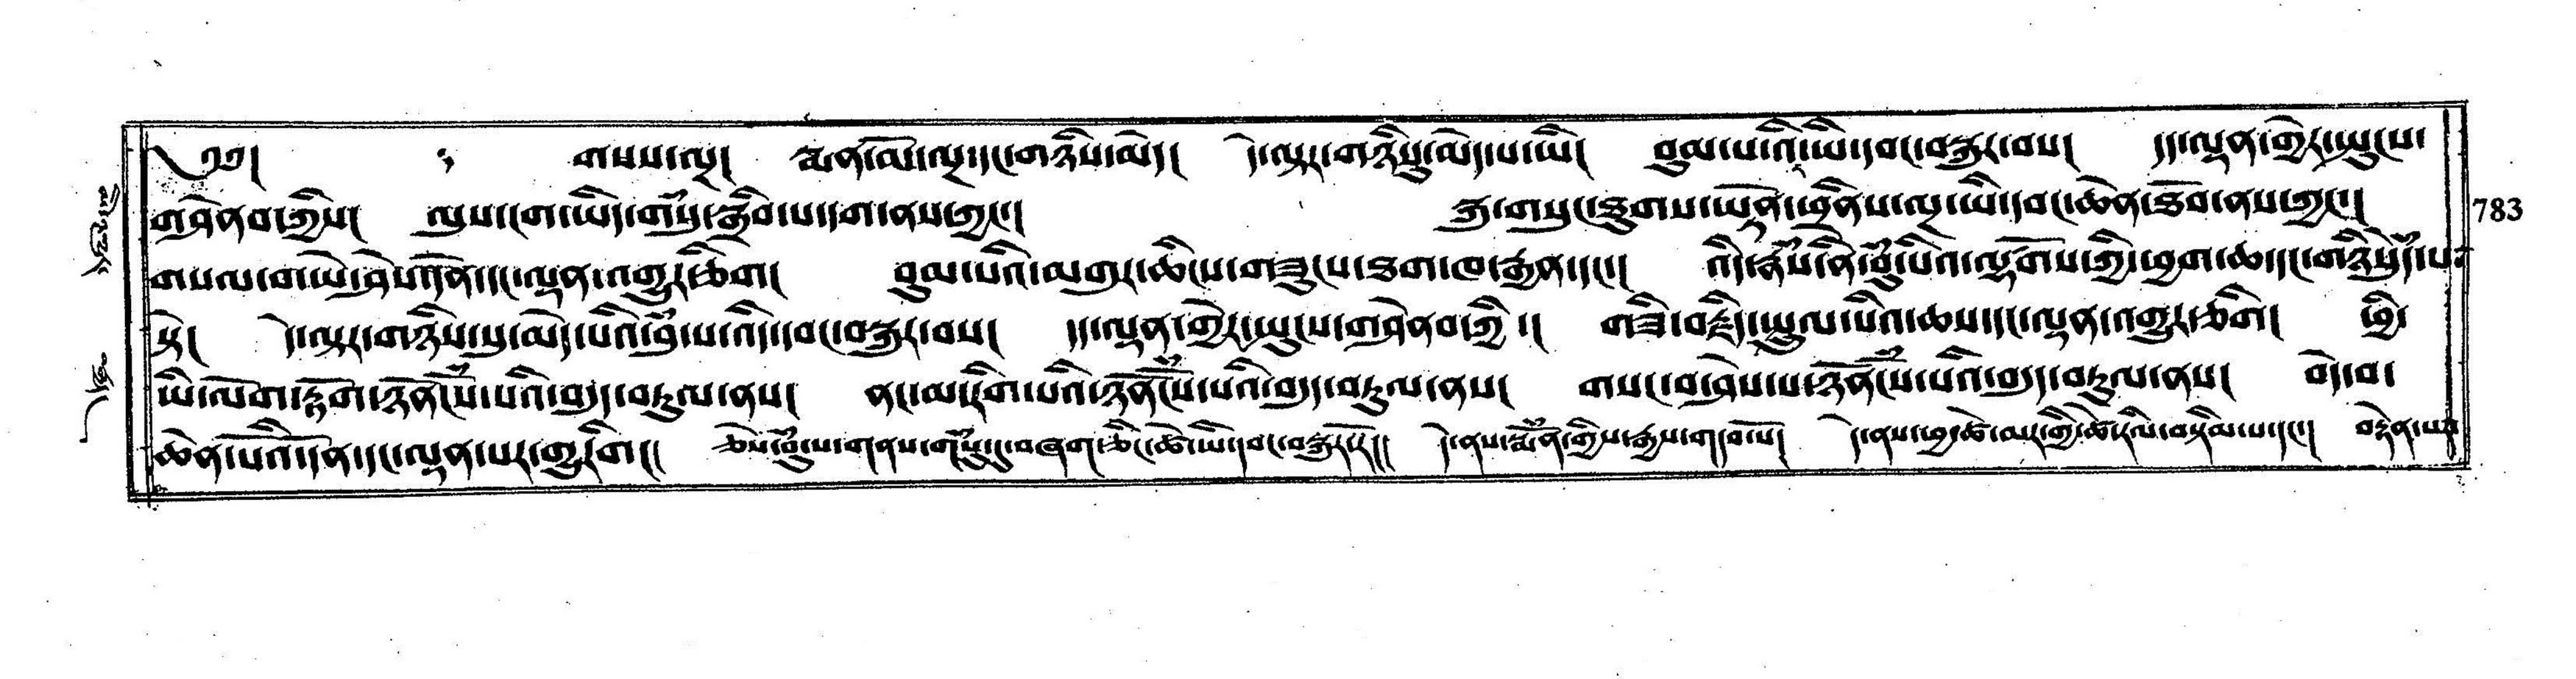གསས་ལྔ། སྨན་མོ་ལྔ་དང་གཉིས་སུ་མེད། དེ་ལྟར་གཉིས་སུ་མེད་པ་ཡི། བུམ་པ་འདི་ཡི་དབང་བསྐུར་བས། དད་ལྡན་གྱེར་སྤུངས་
གཤེན་རབ་ཀྱིས། ལུས་ངག་ཡིད་གསུམ་སྒྲིབ་པ་དག་ནས་ཀྱང་། སྐུ་གསུང་ཐུགས་ཡོན་ཏན་ཕྲིན་ལས་ལྔ་ཡི་དབང་ཆེན་ཐོབ་ནས་ཀྱང་། 
གསལ་བ་ཡེ་ཤེས་དོན་དང་ལྡན་གྱུར་ཅིག བུམ་པའི་མགུར་ཆིངས་གཟུངས་ཐག་ཁ་རྒྱན་དང་། འདི་རྣམས་ནི་བུམ་པའི་ལྷ་ཚོགས་ཀྱི་ཕྱག་ཆ་དང་གཉིས་སུ་མེད་པ་
སྟེ། དེ་ལྟར་གཉིས་སུ་མེད་པའི་བུམ་པ་འདི་དབང་བསྐུར་བས། དད་ལྡན་གྱེར་སྤུངས་གཤེན་རབ་ཀྱི། གཟི་བརྗིད་སྤྲུལ་པའི་ཆས་དང་ལྡན་འགྱུར་ཅིག ཕྱི་
ཡི་ལོག་རྟོག་ཉོན་མོངས་པའི་བདུད་བཏུལ་ནས། ནང་མ་རིག་པའི་ཉོན་མོངས་པའི་བདུད་བཏུལ་ནས། གསང་བ་ཤེས་པ་ཉོན་མོངས་པའི་བདུད་བཏུལ་ནས། བདེ་བ་
ཆེན་པོའི་དོན་དང་ལྡན་པར་གྱུར་ཅིག ཅེས་བུམ་པ་གནས་གསུམ་དུ་བཞག་ཅིང་ཚེ་ཡི་དབང་བསྐུར་རོ།། དེ་ནས་སྨོན་ལམ་གྱིས་རྒྱས་གདབ་པོ། དེ་ནས་ཕྱ་ཚེ་མར་གྱི་ཚེ་རིལ་བསྟིམ་པ་དང་། བརྟེན་པར་